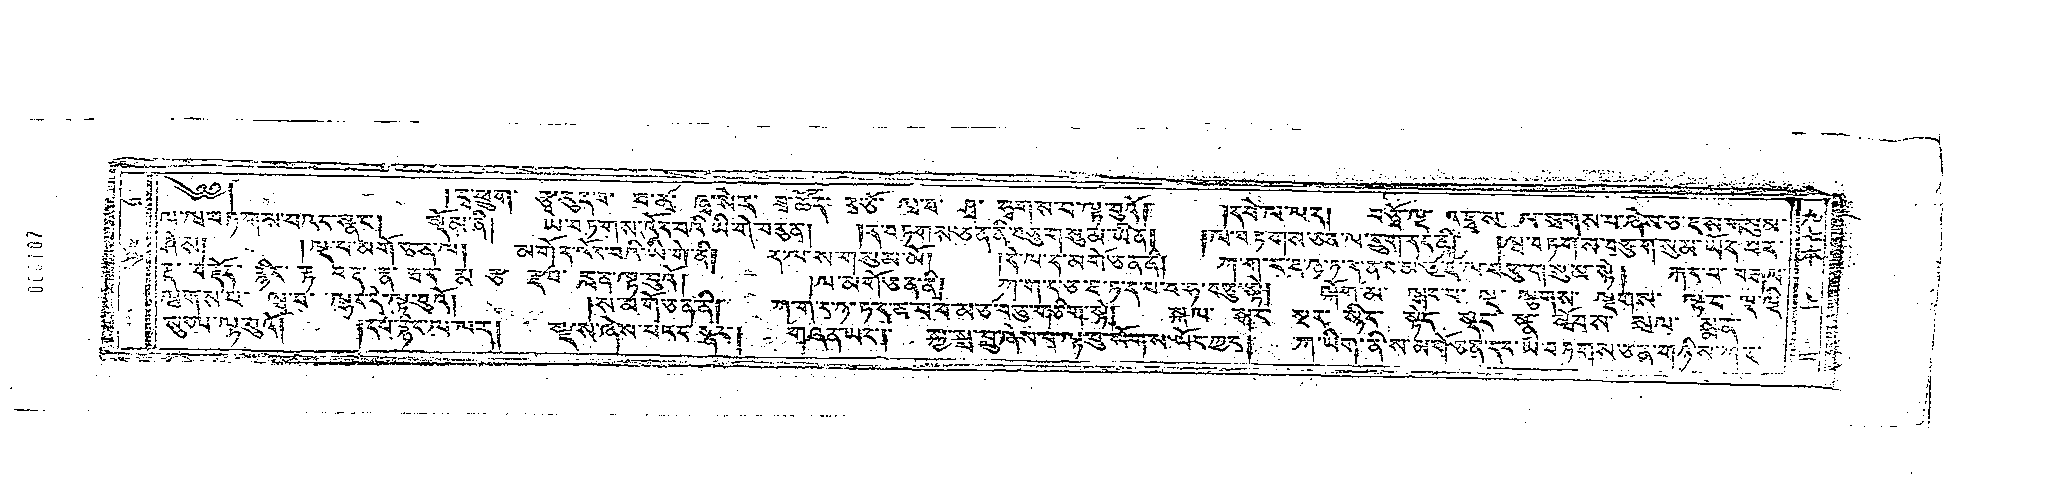༄༅། །དྭ་ཕྲུག། རྩྭ་དུར་བ། བ་ཚྭ། ཞྭ་སེར། ཟྭ་ཚོད། རྭ་ཅོ། ལྭ་བ། ཤྭ་ཧྭགས་པ་ལྟ་བུའོ། །དཔེ་ལ་ལར། བཅྭོ་ལྔ་འཇྭ་ས་ལ་སྭགས་པ་ཞེས་ཅ་ཇས་གསུམ་
ལ་ལྭ་བཏགས་པའང་སྣང་། སྡོམ་ནི། ཡ་བཏགས་འོང་བའི་ཡི་གེ་བདུན། །ར་བཏགས་ཅན་ནི་བཅུ་གསུམ་ཡིན། །ལ་བཏགས་ཅན་ལ་དྲུག་དར་ནི། །ལྭ་བཏགས་བཅུ་གསུམ་ཡོད་པར་
ཤེས། །ལྔ་པ་མགོ་ཅན་ལ། མགོར་འོང་བའི་ཡི་གེ་ནི། ར་ལ་ས་གསུམ་མོ། །དེ་ལ་ར་མགོ་ཅན་ནི། ཀ་ག་ང་ཇ་ཉ་ཏ་ད་ན་བ་མ་ཙ་ཛ་ལ་བཅུ་གསུམ་སྟེ། རྐང་པ་བརྒལ་
རྡ་བརྗོད་རྙིང་རྟ་བརྡ་རྣ། རྦད། རྨ་རྩ་རྫབ་རླན་ལྟ་བུའོ། །ལ་མགོ་ཅན་ནི། ཀ་ག་ང་ཅ་ཇ་ཏ་ད་པ་བ་ཧ་བཅུ་སྟེ། ལྐོག་མ། སྒང་པ། ལྔ། ལྕགས། ལྗགས། ལྟ་བ་ལྔ་ལྡི་
ལྤགས་པ། ལྦ་བ། ལྷད་དེ་ལྟ་བུའོ། །ས་མགོ་ཅན་ནི། ཀ་ག་ང་ཉ་ཏ་ད་ན་པ་བ་མ་ཙ་བཅུ་གཅིག་སྟེ། སྐལ་སྒང་སྔར་སྙིང་སྟེང་སྡང་སྣ་སྤོབས་སྤལ་སྨན་
སྩལ་ལྟ་བུའོ། །དཔེ་རྙིད་ལ་ལར། སྫས་ཞེས་པའང་སྣང་། གཞན་ཡང་། སྐྱ་སྒྲ་བླུ་ཞེས་པ་ལྟ་བུ་སོགས་ཡོད་ཀྱང་། ཀ་ཡིག་ནི་ས་མགོ་ཅན་དང་ཡ་བཏགས་ཅན་གཉིས་ཀར་